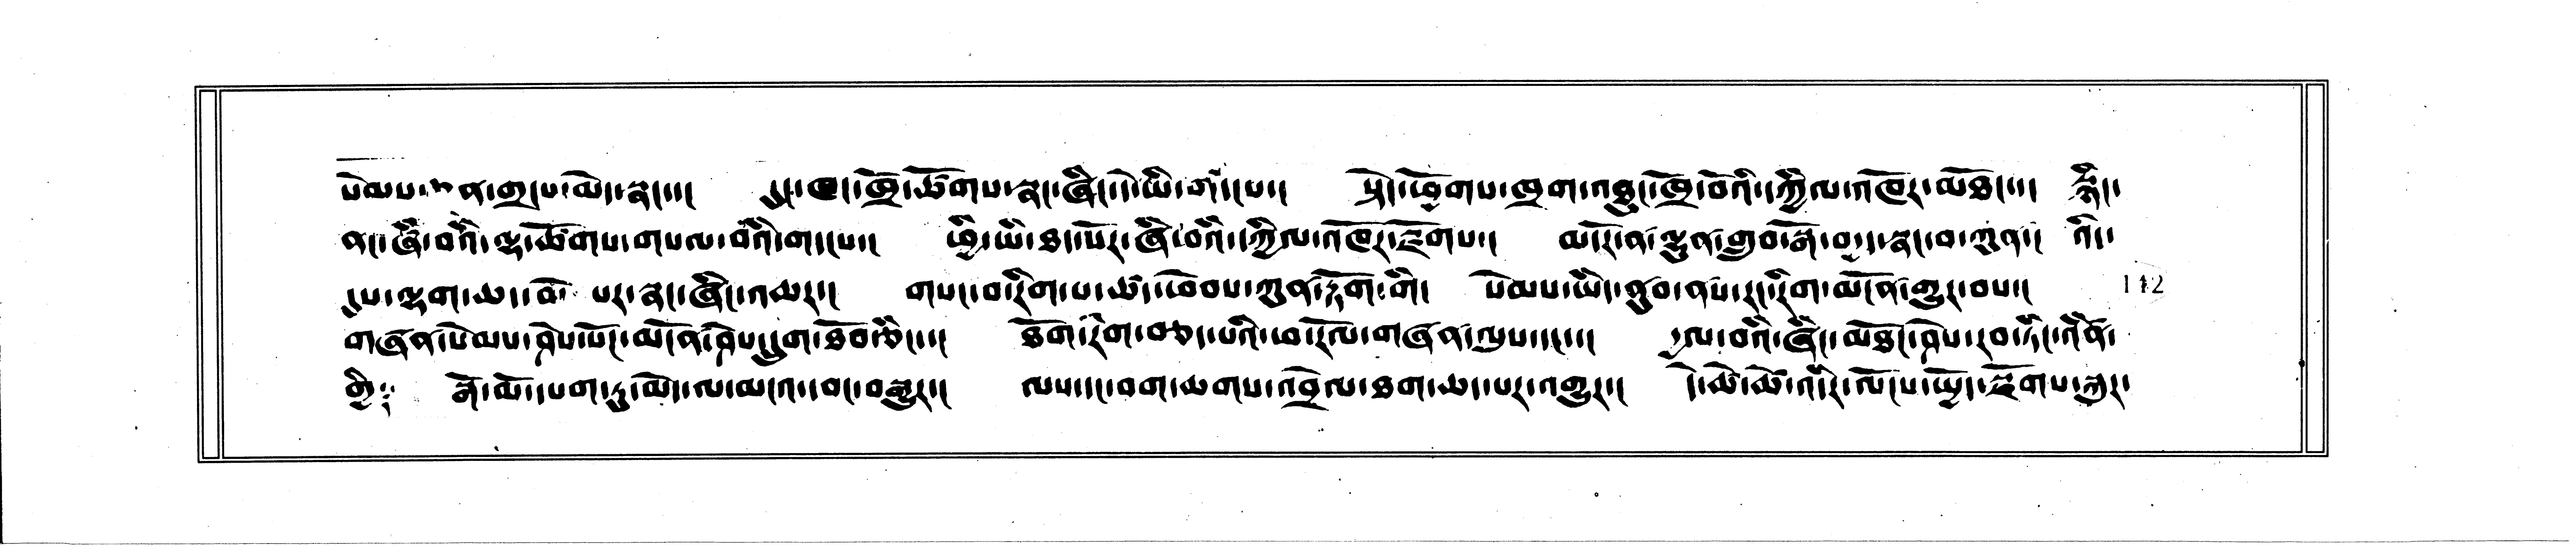སེམས་ཅན་གྲངས་མེད་སྣང་། །དུང་ཁང་ཁྲོ་ཚོགས་སྣང་ཞིང་དེ་ཡི་གདངས། །སྟེང་ཕྱོགས་ཁྲག་འཐུང་ཁྲོ་བོའི་དཀྱིལ་འཁོར་མཐོང་། །སྙིང་
ནང་ཞི་བའི་ལྷ་ཚོགས་གསལ་བའི་གདངས། །ཕྱི་ཡི་ཐད་སོར་ཞི་བའི་དཀྱིལ་འཁོར་རྫོགས། །མདོར་ན་ལྷུན་གྲུབ་སྒོ་བརྒྱད་སྣང་བ་ཀུན། །འདི་
དུས་ལྷག་ཆད་མེད་པར་སྣང་ཞིང་འཆར། །གསང་བ་རིག་པ་ཚད་ཕེབས་ཀུན་རྟོག་གི །སེམས་ཡིད་ནུབ་ནས་རང་རིག་མངོན་གྱུར་པས།
།གཞན་སེམས་ཤེས་སོགས་མངོན་ཤེས་དྲུག་ཐོབ་ཅིང་། །ཐོག་རེག་བཅད་པའི་ཕ་རོལ་གཞན་ལུས་དང་། །རྒྱལ་བའི་ཞིང་མཐོང་ཤེས་རབ་ཏིང་འཛིན་
གྱི། །སྒོ་མོ་དཔག་ཏུ་མེད་ལ་མངའ་དབང་བསྒྱུར། །ལས་དང་བག་ཆགས་འབྲེལ་ཐག་ཆད་པར་འགྱུར། །དེ་ཚེ་ཚེ་འདིར་ལོངས་སྤྱོད་རྫོགས་སྐུར་